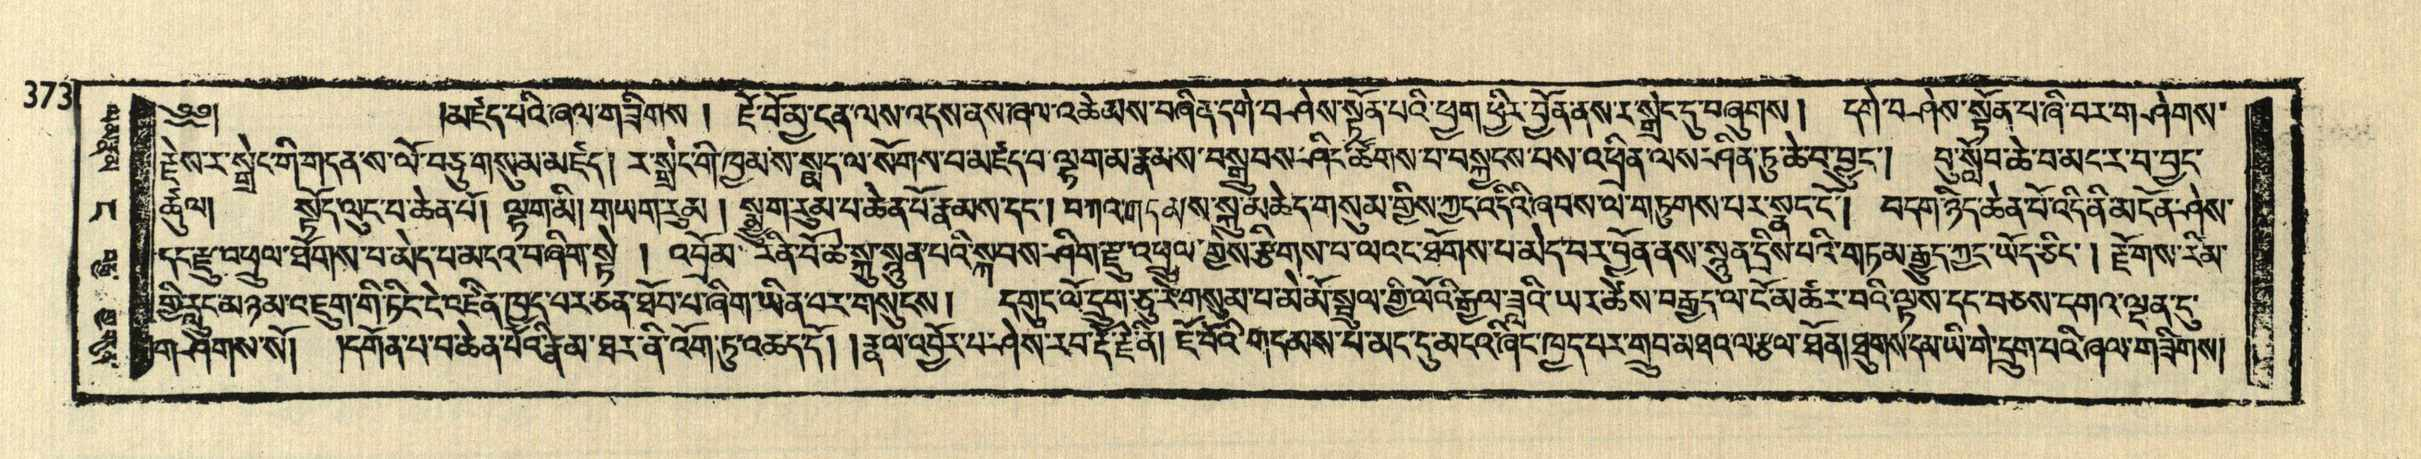༄༅། །མཛད་པའི་ཞལ་གཟིགས། ཇོ་བོ་མྱ་ངན་ལས་འདས་ནས་ཞལ་འཆེམས་བཞིན་དགེ་བཤེས་སྟོན་པའི་ཕྱག་ཕྱིར་བྱོན་ནས་ར་སྒྲེང་དུ་བཞུགས། དགེ་བ་ཤེས་སྟོན་པ་ཞི་བར་གཤེགས་
རྗེས་ར་སྒྲེང་གི་གདན་ས་ལོ་བཅུ་གསུམ་མཛད། ར་སྒྲེང་གི་ཁྱམས་སྨད་ལ་སོགས་པ་མཛད་བ་ལྷག་མ་རྣམས་བསྒྲུབས་ཤིང་ཚོགས་པ་བསྐྱངས་བས་འཕྲིན་ལས་ཤིན་ཏུ་ཆེ་བ་བྱུང་། བུ་སློབ་ཆེ་བ་མང་ར་བ་བྱང་
ཚུལ། སྟོད་ལུང་པ་ཆེན་པོ། ལྷག་མི། གཡག་རུམ། སྨྱུག་རུམ་པ་ཆེན་པོ་རྣམས་དང་། བཀའ་གདམས་སྐུ་མཆེད་གསུམ་གྱིས་ཀྱང་འདིའི་ཞབས་ལ་གཏུགས་པར་སྣང་ངོ། བདག་ཉིད་ཆེན་པོ་འདི་ནི་མངོན་ཤེས་
དང་རྫུ་འཕྲུལ་ཐོགས་པ་མེད་པ་མངའ་བ་ཞིག་སྟེ། འབྲོམ་རིན་པོ་ཆེ་སྐུ་སྙུན་པའི་སྐབས་ཤིག་རྫུ་འཕྲུལ་གྱིས་རྩིགས་པ་ལའང་ཐོགས་པ་མེད་བར་བྱོན་ནས་སྙུན་དྲིས་པའི་གཏམ་རྒྱུད་ཀྱང་ཡོད་ཅིང་། རྫོགས་རིམ་
གྱི་རླུང་མཉམ་འཇུག་གི་ཏིང་ངེ་འཛིན་ཁྱད་པར་ཅན་ཐོབ་པ་ཞིག་ཡིན་བར་གསུངས། དགུང་ལོ་དྲུག་ཅུ་རེ་གསུམ་པ་མེ་མོ་སྦུལ་གྱི་ལོའི་རྒྱལ་ཟླའི་ཡར་ཚེས་བརྒྱད་ལ་ངོ་མཚར་བའི་ལྟས་དང་བཅས་དགའ་ལྡན་དུ་
གཤེགས་སོ། །དགོན་པ་བ་ཆེན་པོའི་རྣམ་ཐར་ནི་འོག་ཏུ་འཆད་དོ། །རྣལ་འབྱོར་པ་ཤེས་རབ་རྡོ་རྗེ་ནི། ཇོ་བོའི་གདམས་པ་མང་དུ་མངའ་ཞིང་ཁྱད་པར་གྲུབ་མཐའ་ལ་རྩལ་ཐོན། ཐུགས་དམ་ཡི་གེ་དྲུག་པའི་ཞལ་གཟིགས།